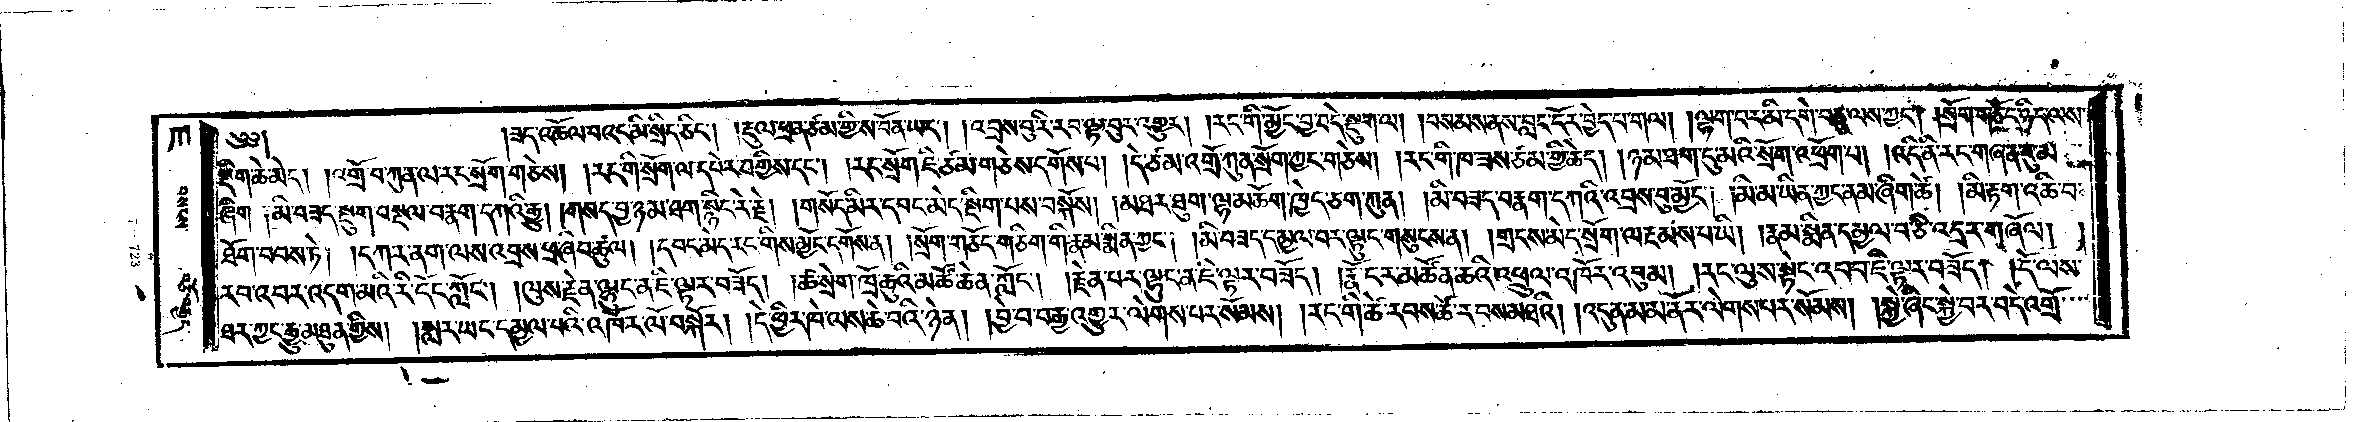༄༅། །ཟད་འཆོལ་བའང་མི་སྲིད་ཅིང་། །རྡུལ་ཕྲན་ཙམ་གྱི་ས་བོན་ཡང་། །འབྲས་བུ་རི་རབ་ལྟ་བུར་འགྱུར། །རང་གི་མྱོང་བྱ་བདེ་སྡུག་ལ། །བསམས་ནས་བླང་དོར་བྱེད་པ་གལ། །ལྷག་པར་མི་དགེ་བཅུ་ལས་ཀྱང་། །སྲོག་གཅོད་ཉིད་ལས་
སྡིག་ཆེ་མེད། །འགྲོ་བ་ཀུན་ལ་རང་སྲོག་གཅེས། །རང་གི་སྲོག་ལ་དབེར་དགྱིས་དང་། །རང་སྲོག་ཇི་ཙམ་གཅེས་དགོས་པ། །དེ་ཙམ་འགྲོ་ཀུན་སྲོག་ཀྱང་གཅེས། །རང་གི་ཁ་ཟས་ཙམ་གྱི་ཆེད། །ཉམ་ཐག་དུ་མའི་སྲོག་འཕྲོག་པ། །འདི་ནི་རང་གཞན་དུ་མ་
ཞིག ༑མི་བཟད་སྡུག་བསྔལ་བརྣག་དཀའི་རྒྱུ། །བསད་བྱ་ཉམ་ཐག་སྙིང་རེ་རྗེ། །གསོད་མིར་དབང་མེད་སྡིག་པས་བསྐོས། །མཐར་ཐུག་ལྷ་མཆོག་ཁྱེད་ཅག་ཀུན། །མི་བཟད་བརྣག་དཀའི་འབྲས་བུ་མྱོང་། །མི་མ་ཡིན་ཀྱང་ནམ་ཞིག་ཚེ། །མི་རྟག་འཆི་བ་
ཐོག་བབས་ཏེ། །དཀར་ནག་ལས་འབྲས་ཕྲ་ཞིབ་ཚུལ། །དབང་མེད་རང་གིས་མྱོང་དགོས་ན། །སྲོག་གཅོད་གཅིག་གི་རྣམ་སྨིན་ཀྱང་། །མི་བཟད་དམྱལ་བར་ལྟུང་གསུངས་ན། །གྲངས་མེད་སྲོག་ལ་རྔམས་པ་ཡི། །རྣམ་སྨིན་དམྱལ་བ་ཅི་འདྲར་གཞོལ། །
རབ་འབར་འདག་མའི་རི་དོང་ཀློང་། །ལུས་རྗེན་ལྷུང་ན་ཇི་ལྟར་བཟོད། །ཚ་སྲེག་ཁྲོ་ཆུའི་མཚོ་ཆེན་ཀློང་། །རྗེན་པར་ལྷུང་ན་ཇི་ལྟར་བཟོད། །རྣོ་ངར་མཚོན་ཆའི་འཕྲུལ་འཁོར་འབུམ། །དང་ལུས་སྟེང་འབབ་ཇི་ལྟར་བཟོད། །དེ་ལས་
ཐར་ཀྱང་རྒྱུ་མཐུན་གྱིས། །སླར་ཡང་དམྱལ་བའི་འཁོར་ལོ་བསྐོར། །དེ་ཕྱིར་ཁེ་ལས་ཆེ་བའི་ཉེན། །བྱེ་བ་བརྒྱ་འགྱུར་ལེགས་པར་སོམས། །རང་གི་ཚེ་རབས་ཚེ་རབས་མཐའི། །འདུན་མ་མནོར་ལེགས་པར་སོམས། །སྐྱེ་ཞིང་སྐྱེ་བར་བདེ་འགྲོ་